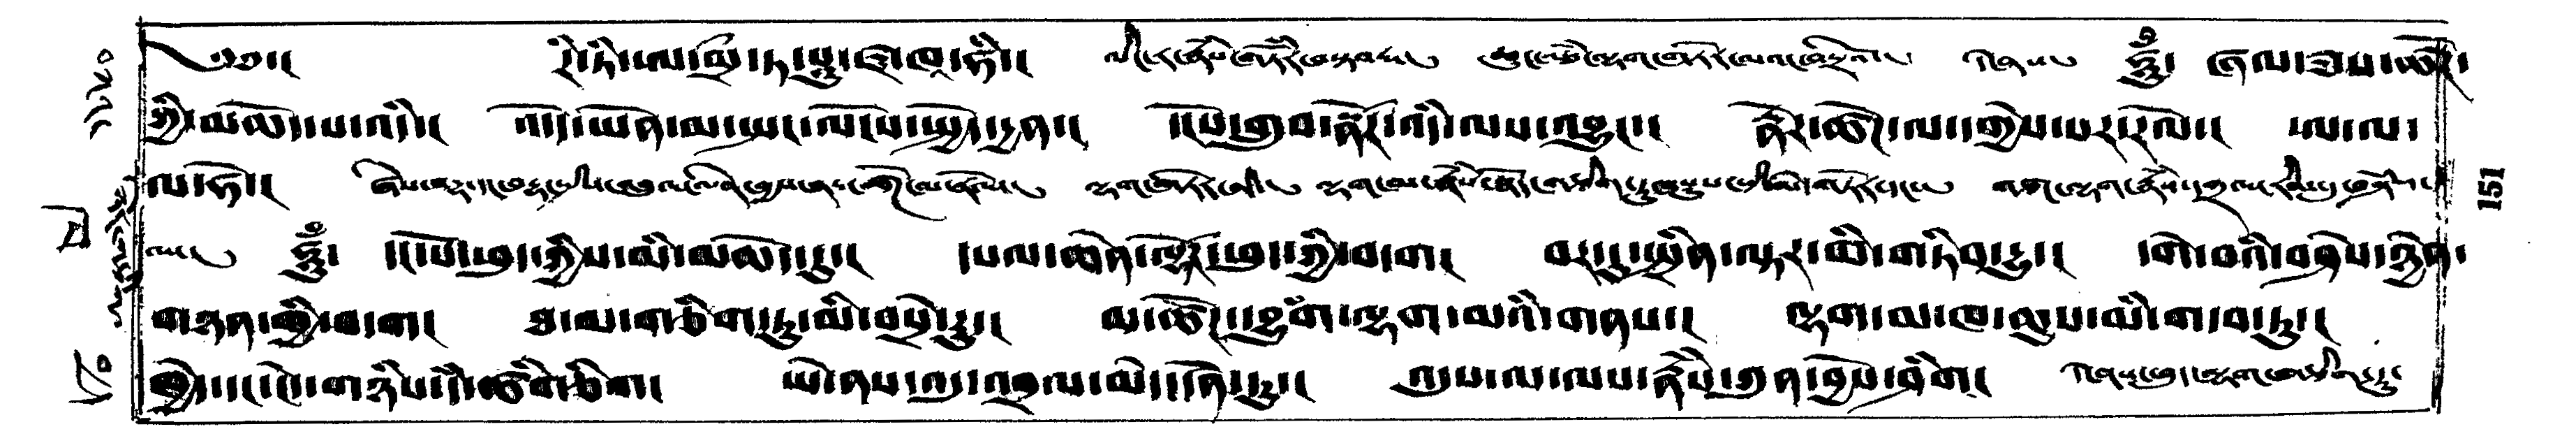རི་ཏི་ཨ་མྲྀ་ཏ་པཱུ་ཛ་ཁཱ་ཧི། ལིང་རོ་རྣམས་གཏོར་མར་བསྟབས། ཆུང་ཙམ་ལྷག་གཏོར་ལའང་བསྲེའོ།། དེ་ནས། ཧཱུྃ། ཞལ་ཟས་ཚོགས་
ཀྱི་མཆོད་པ་འདི། །འདོད་ཡོན་མ་སྤངས་ལོངས་སྤྱོད་རྒྱན། །དངོས་གྲུབ་སྣ་ཚོགས་འདི་ལས་འབྱུང་། །རྣལ་འབྱོར་ཚོགས་ལ་དགྱེས་པར་རོལ། །ཨ་ལ་
ལ་ཧོ། ཞེས་བརྡ་དང་བརྡའི་སྤིས་འབུལ་ལེན་བྱས་ནས་ཚོགས་ལ་རོལ། ལྷག་གཏོར་ནི། ལྷག་མ་རྣམས་སྣོད་གཅིག་ཏུ་བསྡུས་པའི་དམེ་གཏོར་དང་། གཙང་ལྷག་རྣམས་གྲ་ལ་རིམ་དུ་བཤམས་
ལ། ཧཱུྃ། དང་པོ་ཕུད་ཀྱིས་མི་མཆོད་རྒྱུ། །དཔལ་ཆེན་ལྷ་ཚོགས་ཕུད་ཀྱི་བདག། །བར་དུ་སྤྲིན་ལྟར་མི་གཏིབ་རྒྱུ། །དགེ་བའི་བཤེས་གཉེན་
གཉན་གྱི་བདག །ཐ་མ་གཅིག་ཏུ་མི་བསྲེ་རྒྱུ། །མ་ཚོགས་དབང་ཕྱུག་ལྷག་མའི་གནས། །ལྷག་མ་ཁ་ཆུས་མི་གདབ་རྒྱུ། །
ཁྱེད་དང་ངེད་གཉིས་དམ་ཚིག་གཅིག །ཡེ་ནས་འདུ་འབྲལ་མེད་དོན་ཏུ། །འདུས་ལ་ལས་རྣམས་ཀུན་བྱེས་ཤིག ། དེ་ནས་ཕུད་ལྷག་གཅིག་ཏུ་